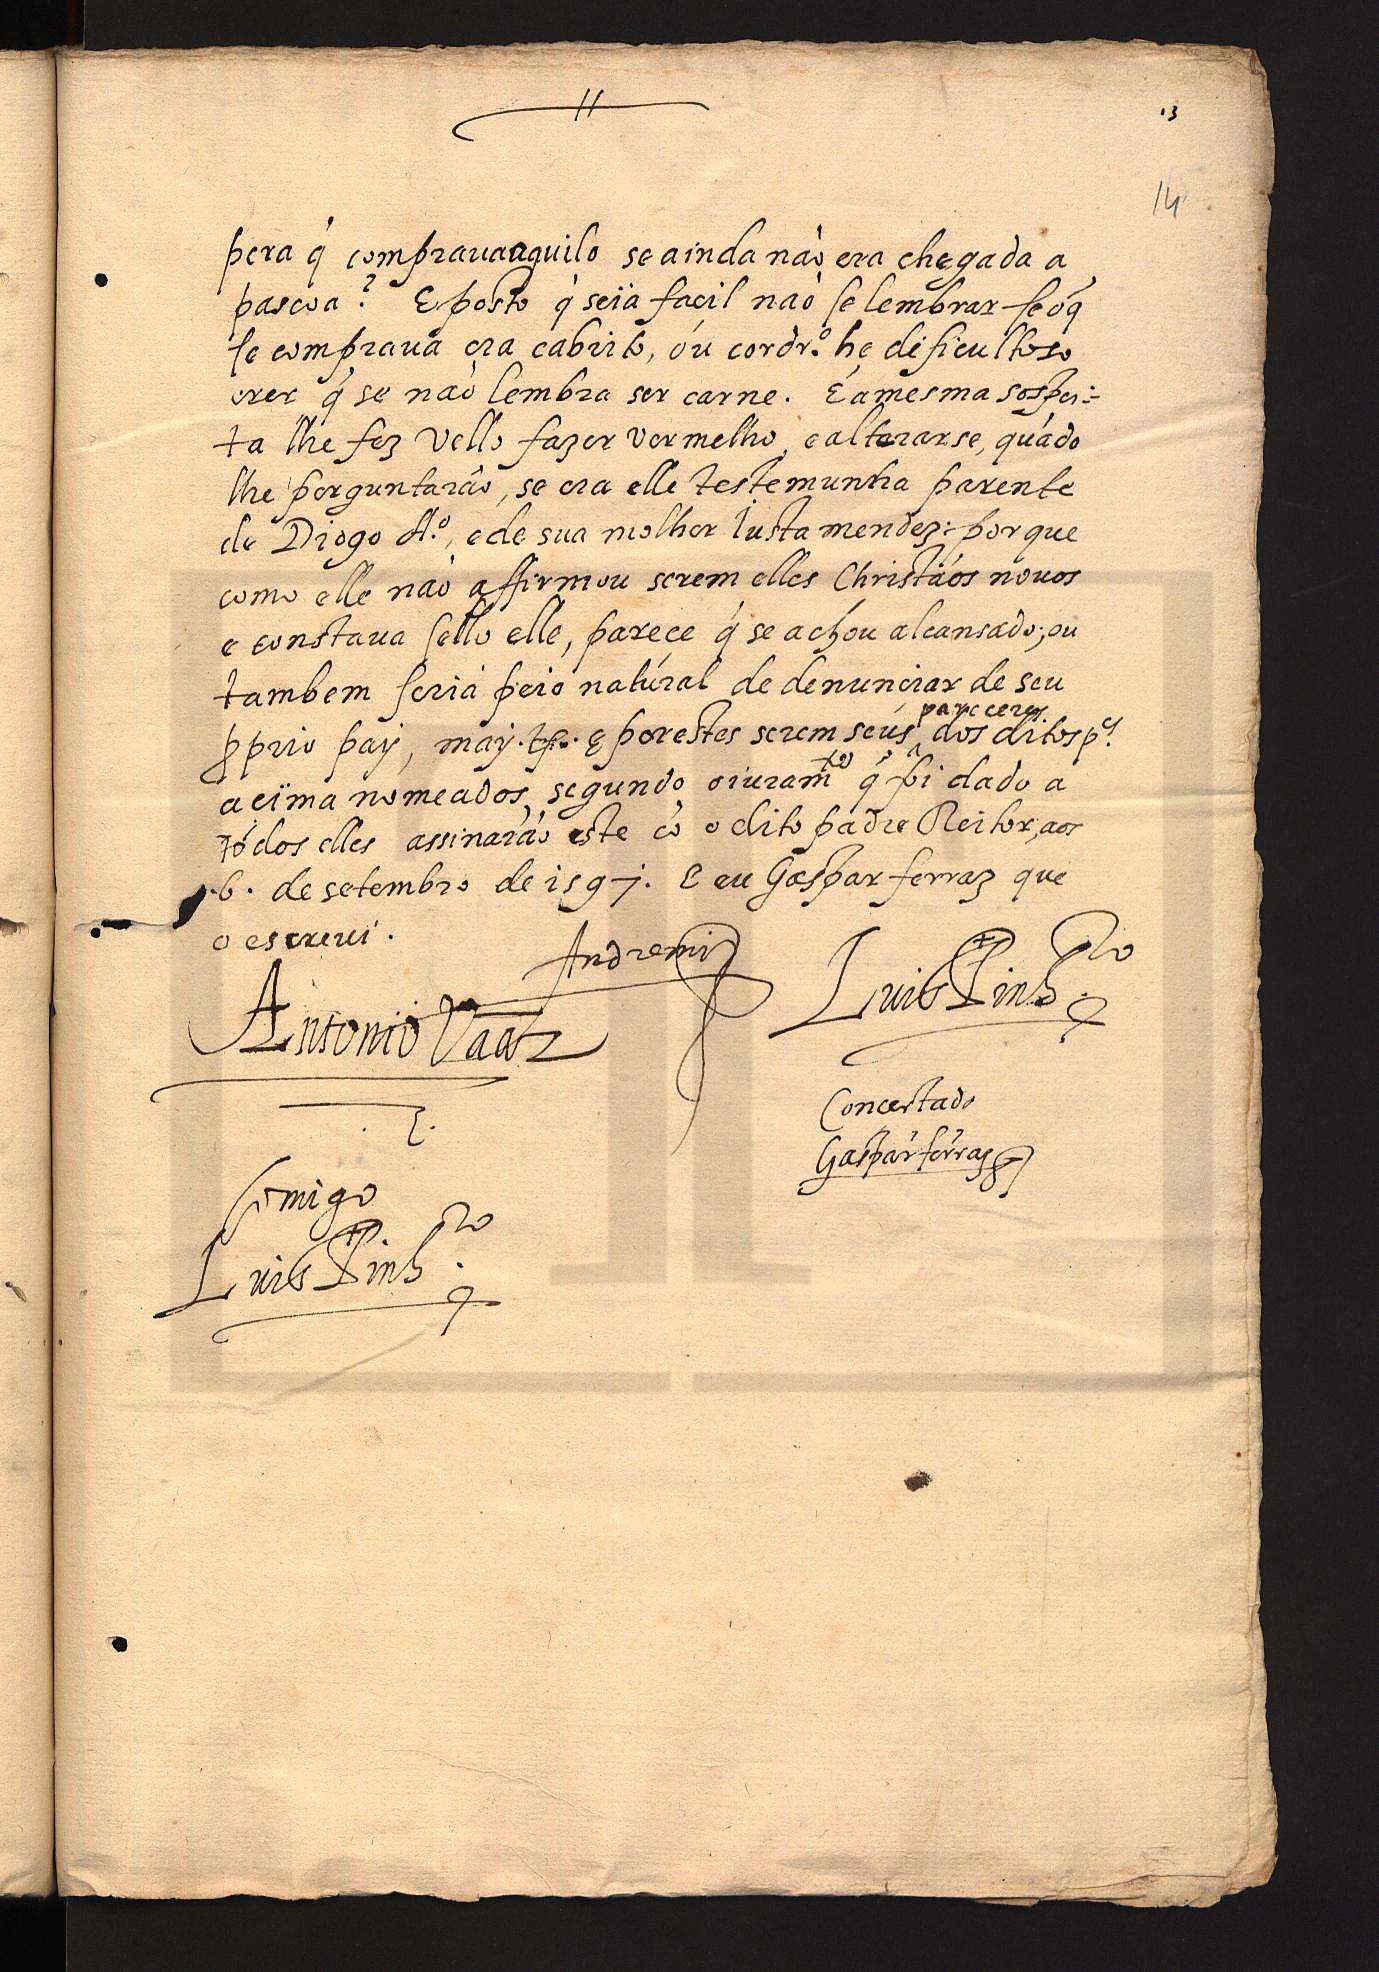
pera q̄ compraua aquilo se ainda naõ era chegada a
pascoa? E posto q̄ seia façil naõ se lembrar se o q̄
se compraua era cabrito, ou cordr.o he dificultoso
crer, q̄ se naõ lembra ser carne. E a mesma sospei
ta lhe fez vello fazer vermelho, e alterarse, quādo
lhe pergutarão, se era elle testemunha parente
de Diogo A.o, e de sua molher Iusta mendez: porque
como elle naõ affirmou serem elles Christaõs nouos
e constaua sello elle, pareçe q̄ se achou alcansado, ou
tambem seria peio natural de denunçiar de seu
ꝓprio pay, may c̄ꝭ. E por estes serem seus
pareceres
dos ditos pes.
açima nomeados, segundo o iuramto q̄ foi dado a
todos elles assinarão este cō o dito padre Reitor, aos
.6. de setembro de i597. E eu Gaspar ferraz que
o escreui.
